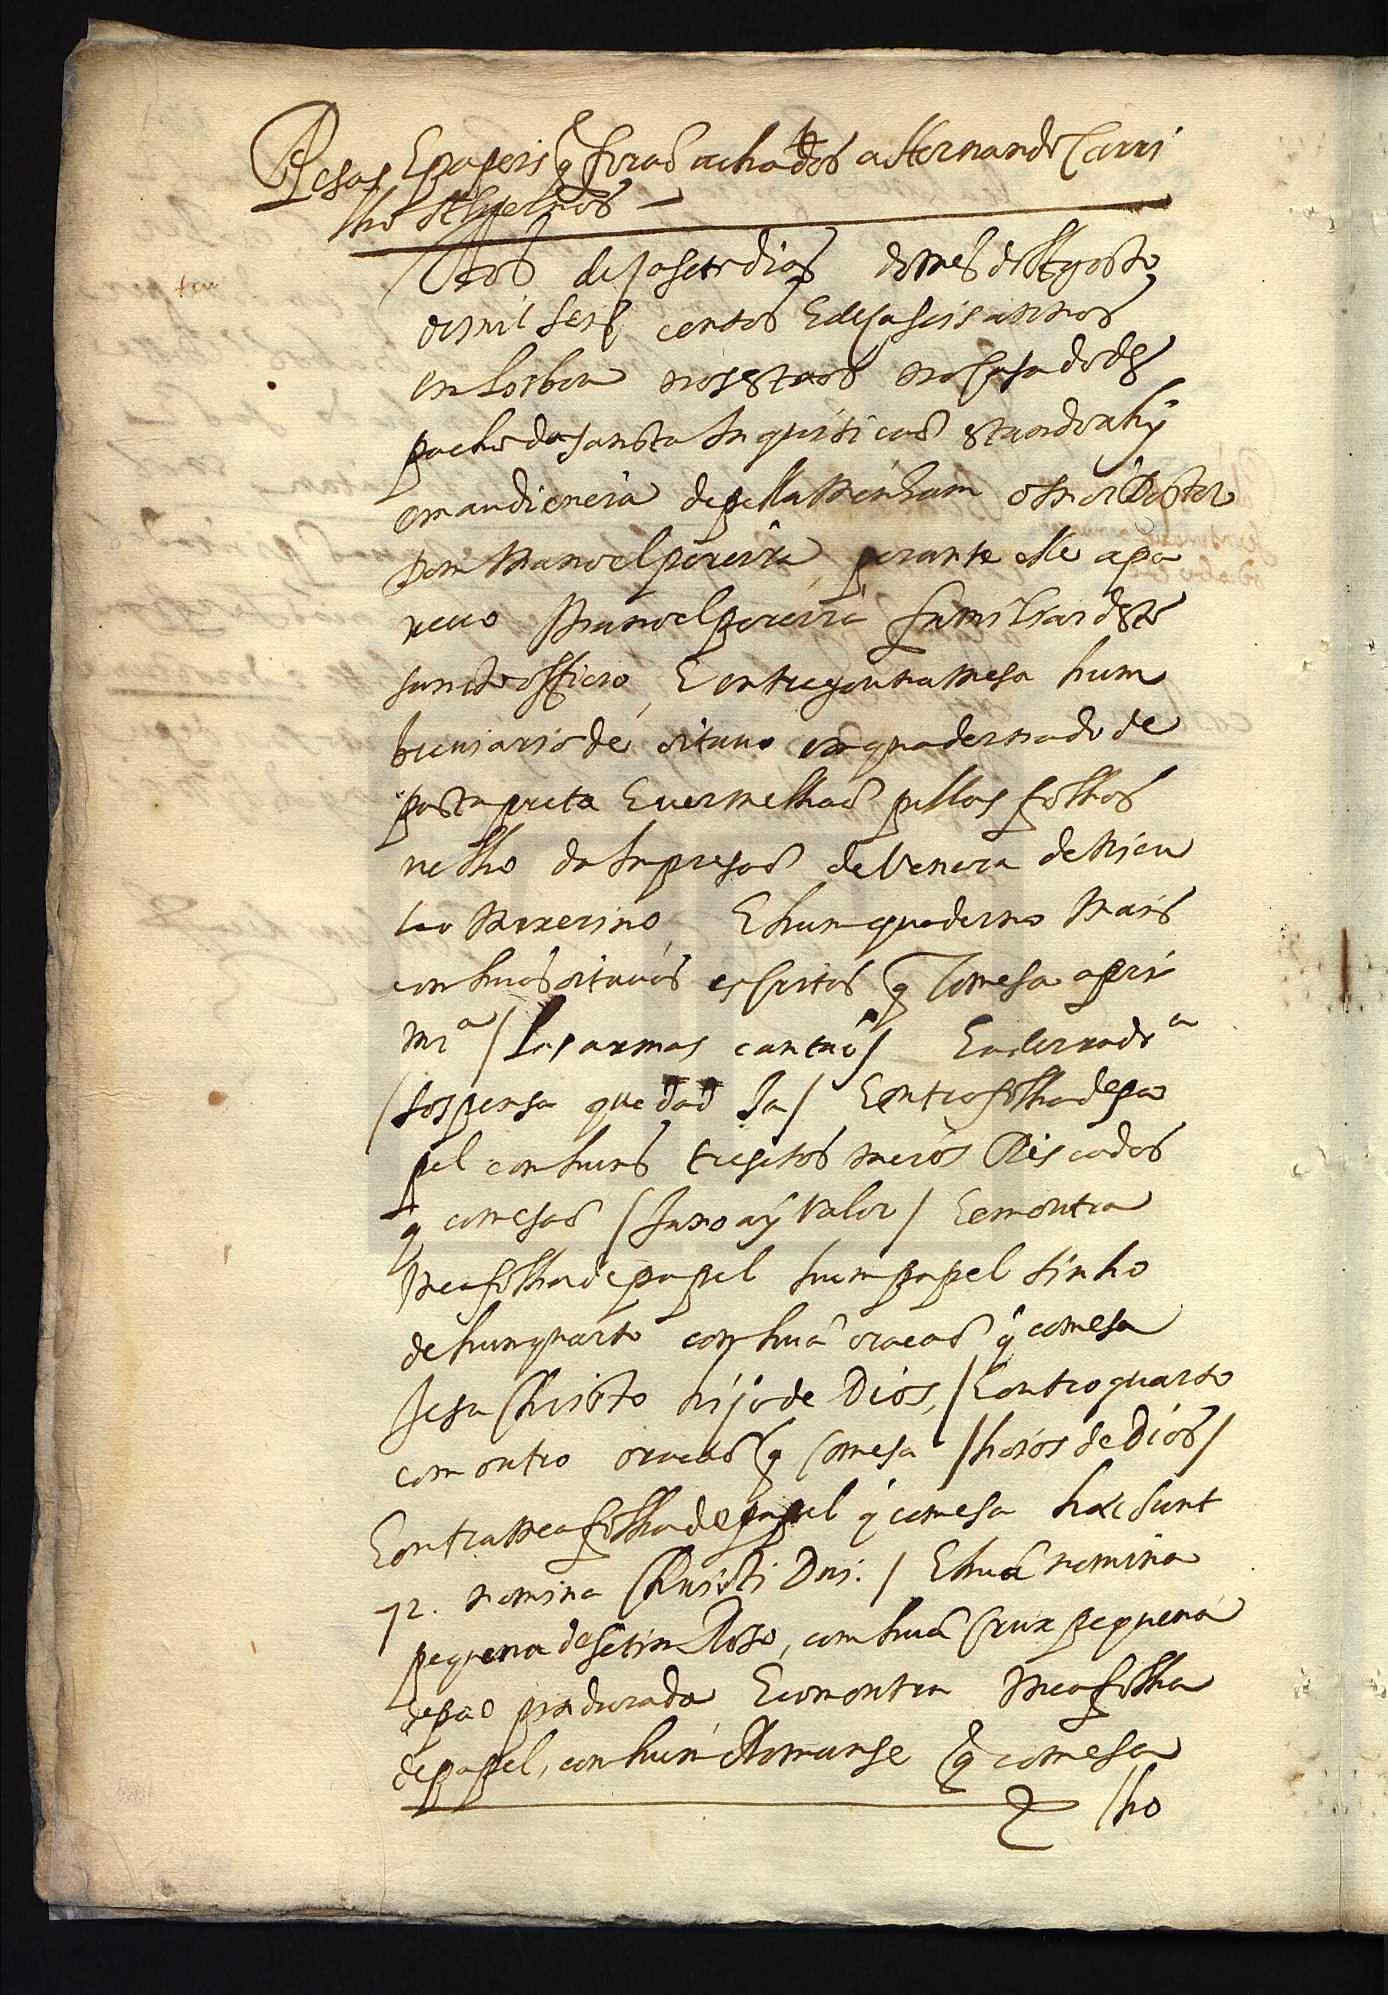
Pesas E papeis q̄ foraõ achados a Hernando Carri
lho Aluernos
Aos dezasete dias do mes de Agosto
de mil seiscentos E dezaseis annos
en Lisboa nos estaos na Casa do des
pacho da sancta Inquisiçaõ estando ahy
em audiencia de pella menham o snor Doctor
Dom Manoel pereira, perante elle apa
receo Manoel pereira familiar deste
sancto officio E entregou na mesa hum
breuiario de oitauo emquadernado de
pasta preta E uermelhaõ pellas folhas
uelho da Impresaõ de Veneza de Nicu
lao Mererino, E hum quaderno mais
con huās oitauas esCritas q̄ Comesa a pri
mra / Las armas cantaõ / E a derradra
/ sospensa quedaõ Ja / E outra folha de pa
pel con huns tresetos meios Riscados
q̄ comesaõ / Ja no ay valor / E em outra
mea folha de papel hum papelsinho
de hun quarto con huā oraçaõ q̄ comesa
Jesu Christo hijo de Dios, / E outro quarto
com outro oraçaõ q̄ Comesa / hoios de Dios /
E outra mea folha de papel q̄ comesa hæc sunt
72. nomina Christi Dni. / E huā nomina
pequena de setin Rozo, com huā Crux pequena
de pao pindurada E com outra mea folha
de papel, con hun Romanse q̄ comesa
lho
